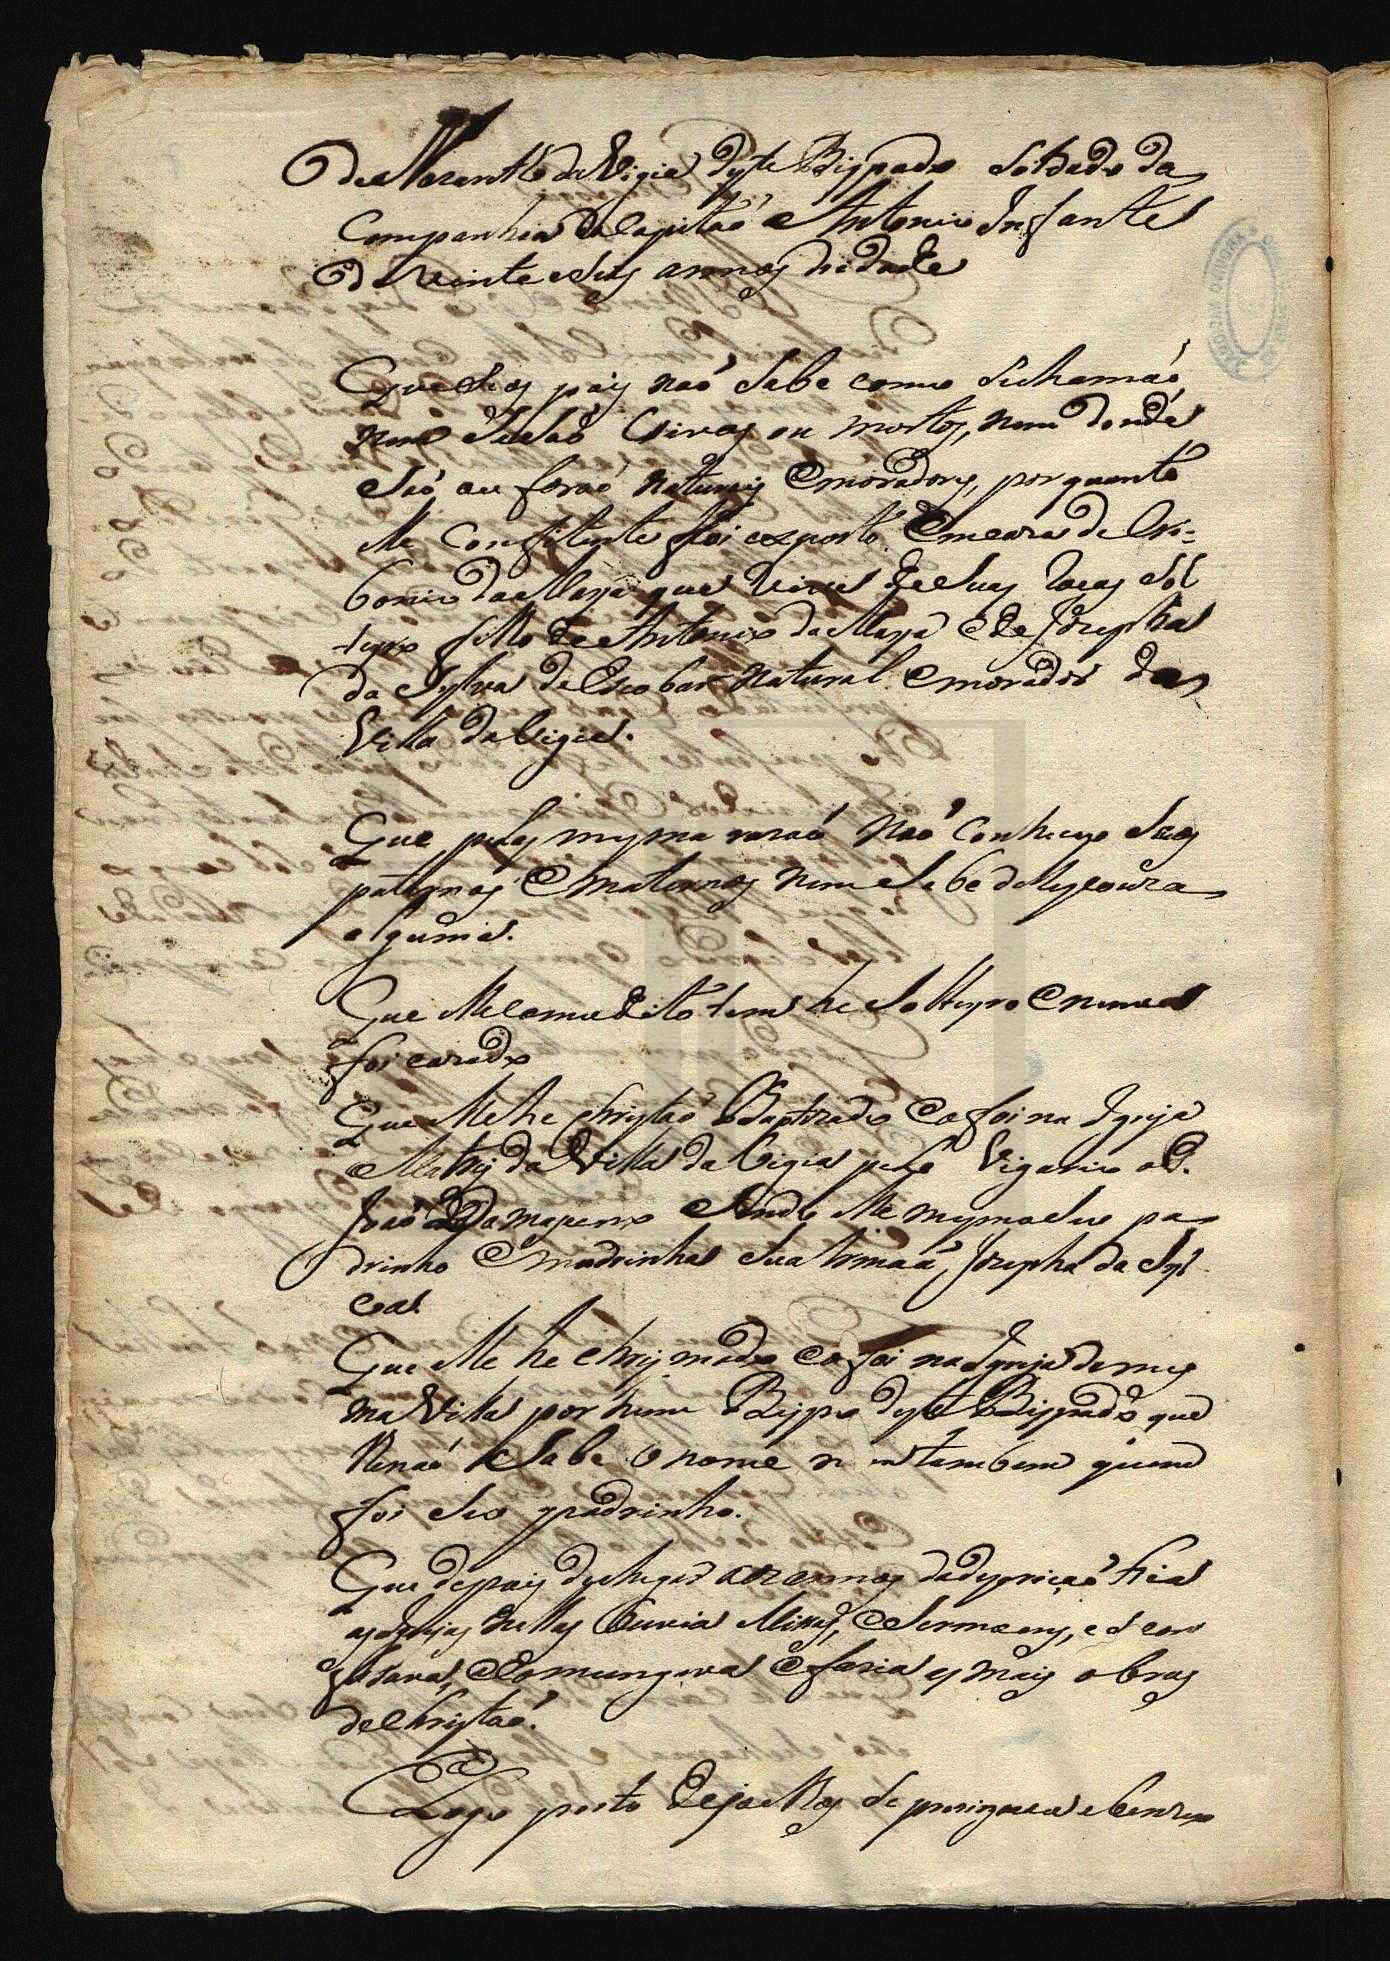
de Nazaretho de Vigia deste Bispado soldado da
Companhia do Capitaõ Antonio Infante
de vinte e seis annos de idade
Que Seos pais naõ sabe como se chamaõ
nem se saõ vivos ou mortos, nem donde
saõ ou foraõ naturais e moradores, porquanto
elle confitente foi exposto. em casa de Cro
bonio da Maya que vive de suas Rocas sol
teyro filho de Antonio da Maya e de Jozepha
da Sylva de Escobar natural e morador da
Villa da Vigia.
Que pelos mesma razaõ naõ conheceu seos
paternos e maternos nem sabe delles couza
alguma.
Que elle como dito tem he solteyro e nunca
foi cazado
Que elle he Christaõ Baptizado e o foi na Igreja
Matris da Villa da Vigia pelo Vigario o P.
Joaõ Damasceno Sendo elle mesmo seo pa
drinho e madrinha sua Irmaã Jozepha da Syl
va.
Que elle he chrismado e o foi na Igreja de mes
ma Villa por hum Bispo deste Bispado que
lhenaõ sabe o nome n_m tambem quem
foi seo padrinho.
Que depois de chegar aos annos da descriçaõ hia
as Igrejas nellas Ouvia Missas, e sermoens, e s_ con
fesava, e comungava e fazia as mais obras
de christaõ.
E Logo posto de joelhos se presignou e benzeo
